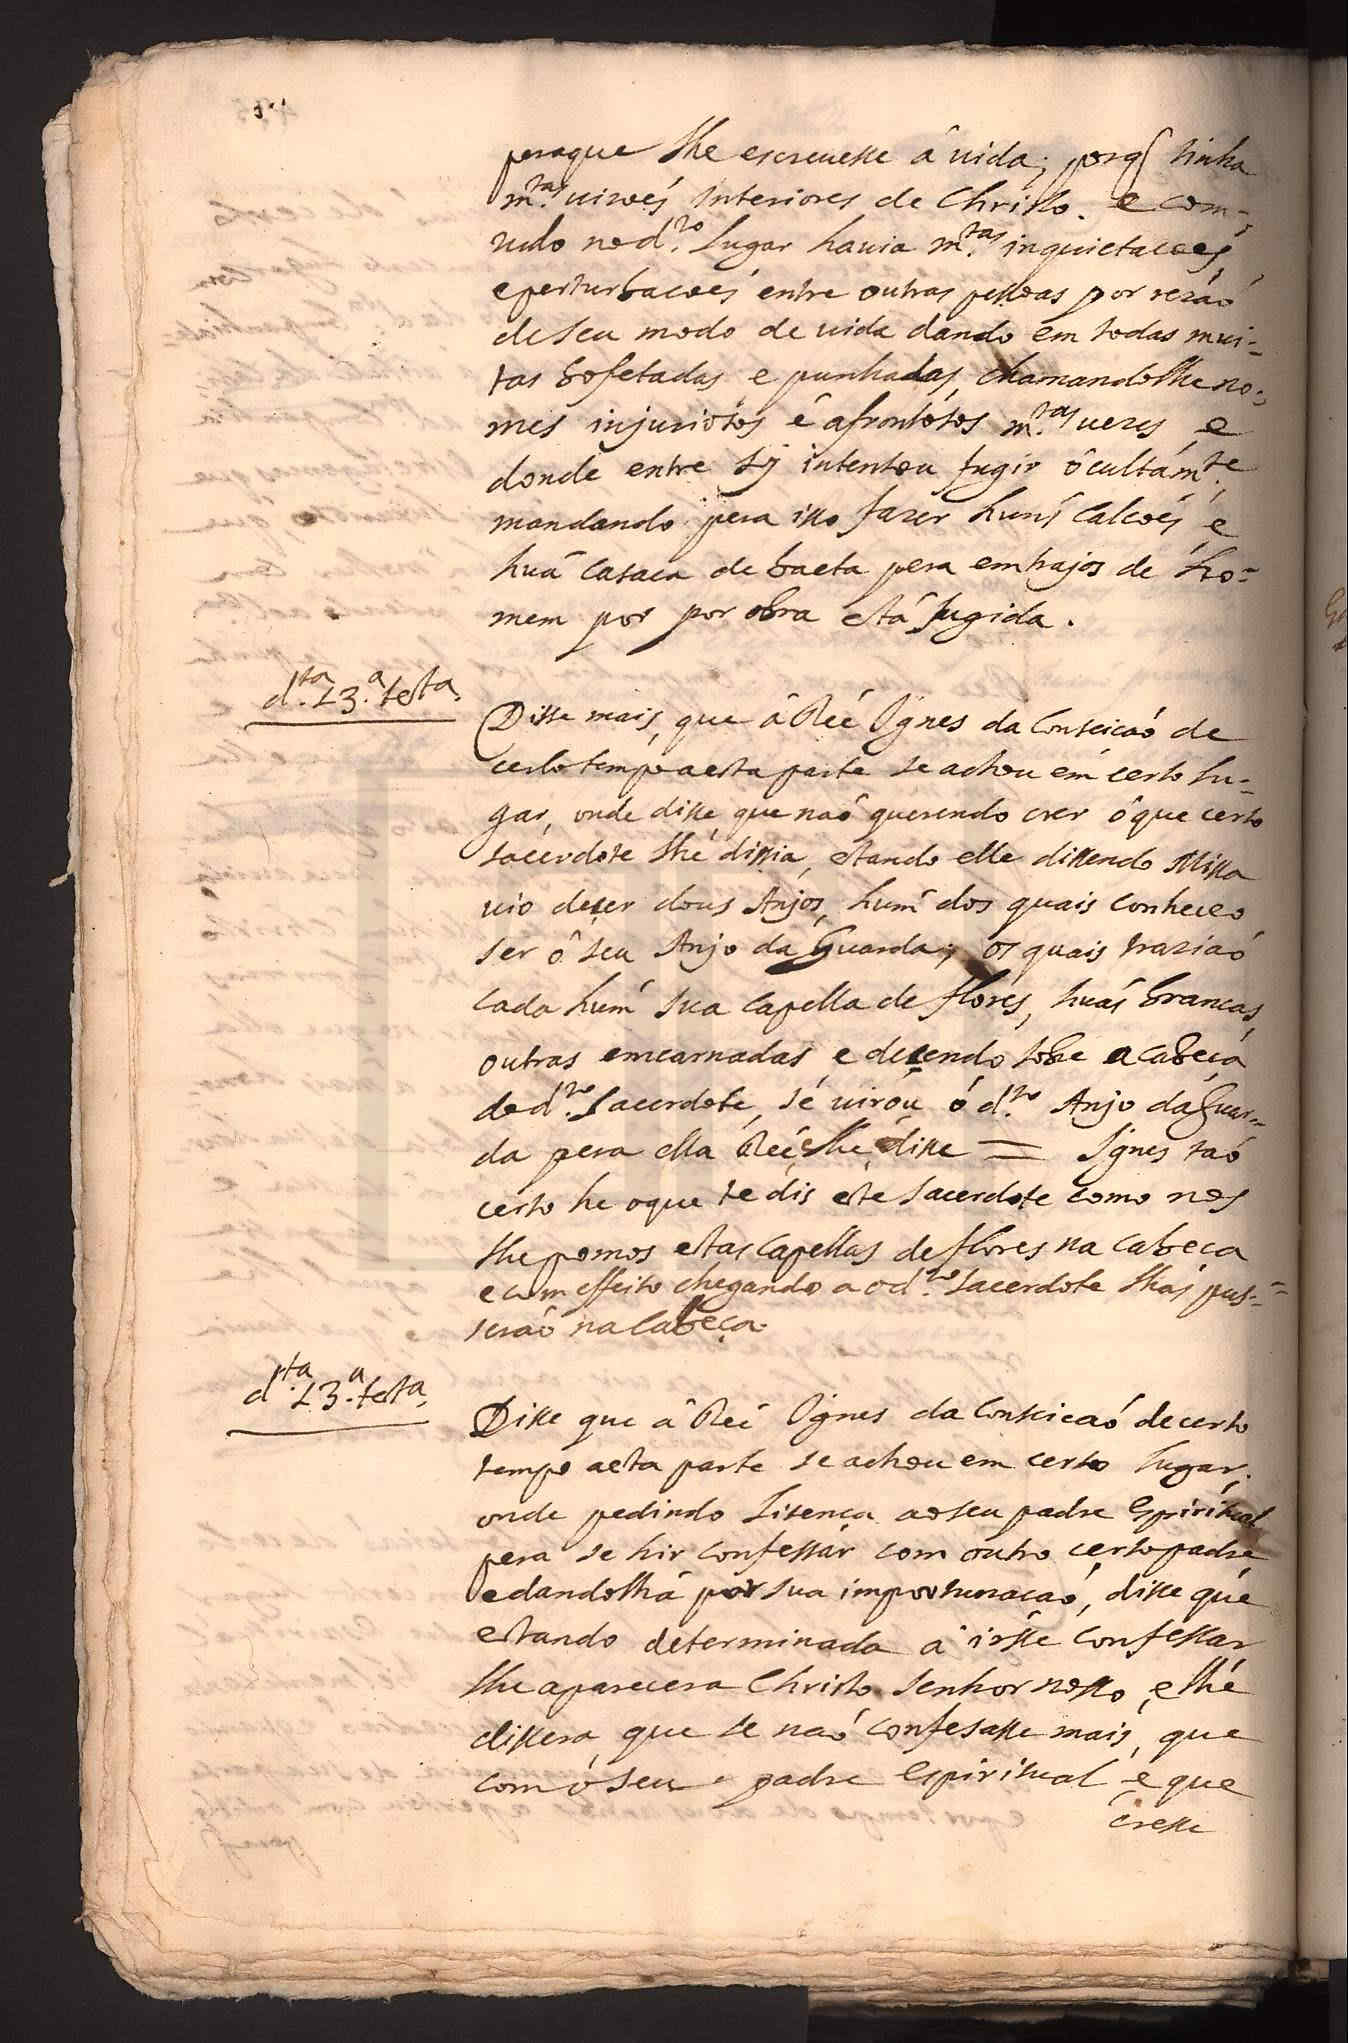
pera que lhe escreuesse á uida; porq̄ tinha
m.tas uizoẽs interiores de Christo; E com
tudo no d.to Lugar hauia m.tas inquietaçoẽs,
e perturbaçoẽs, entre outras pessoas por rezaõ
de seu modo de uida dando em todas mui
tas bofetadas, e punhadas chamandolhe no
mes injuriosos, e afrontosos m.tas uezes, e
donde entre sy intentou fugir ócultamte.
mandando pera isso fazer huns calçoẽs e
huā casaca de baeta pera em trajos de ho
mem por por obra está fugida.
d.ta 13.a testa
Disse mais, que á Reé Ignes da Conseiçaõ de
certo tempo a esta parte se achou em certo Lu
gar, onde disse, que naõ querendo crer ô que certo
sacerdote lhe dissia, estando elle dissendo Missa
uio decer dous Anjos, hum dos quais conheceo
ser o seu Anjo da Guarda; os quais traziaõ
cada hum sua capella de flores, huās brancas,
outras emcarnadas, e decendo sobre a cabeça
do d.to Sacerdote, se uirou ó d.to Anjo da Guar
da pera ella Reé, e lhe, disse = Ignes taõ
certo he o que te dis este sacerdote como nos
lhe pomos estas Capellas de flores na cabeça
e com effeito chegando ao d.to sacerdote lhas pus
seraõ na cabeça.
d.ta 13.a testa
Disse que a Reé Ignes da Conseiçaõ de certo
tempo a esta parte se achou em certo lugar;
onde pedindo lisença ao seu padre Espiritual
pera se hir confessar com outro certo padre,
e dandolhá por sua importunaçaõ, disse que
estando determinada a irsse confessar
lhe aparecera Christo Senhor nosso, e lhe
dissera, que se naõ confesasse mais, que
com o seu padre espiritual, e que
cresse
